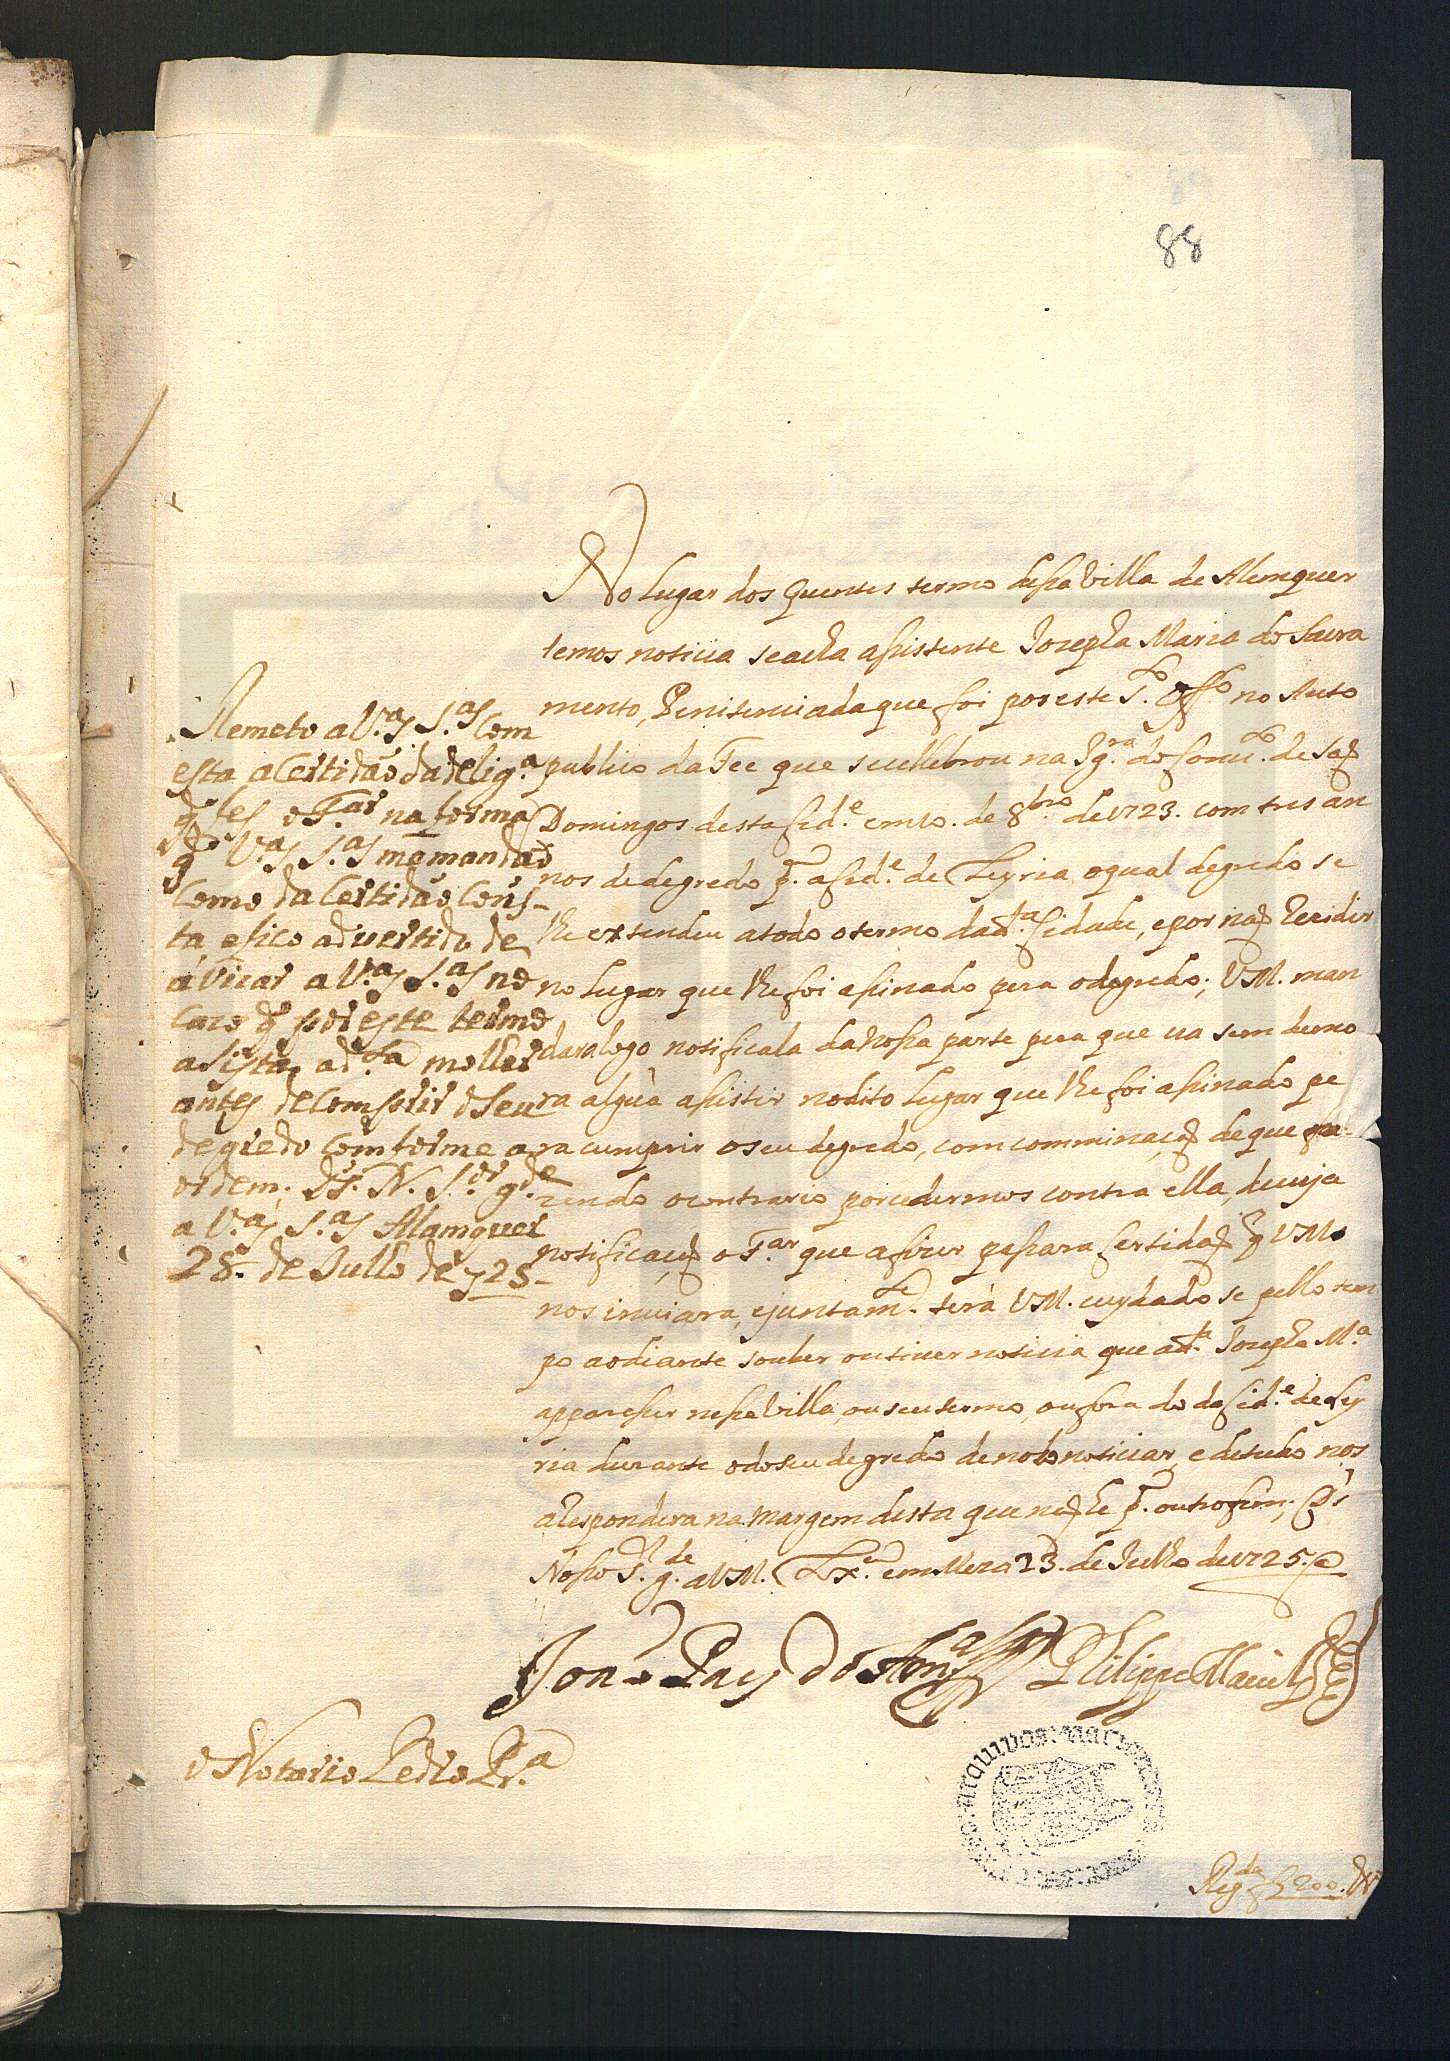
No lugar dos quentes termo desta Villa de Alemquer
temos noticia se acha assistente Iozepha Maria do Sacra
mento, Penitenciada que foi por este s.to Off.o no Auto
publico da Fee que se cellebrou na Ig.ra do Conu.to de Saõ
Domingos desta Cid.e em 10. de 8.bro de 1723. com tres an
nos de degredo p.a a Cid.e de Leyria o qual degredo se
lhe extendeu a todo o termo da d̄.a Cidade, e por naõ Rezidir
no lugar que lhe foi assinado pera o degredo; V M. man
dara logo notificada da nossa parte pera que ua sem demo
ra alguā assistir no dito lugar que lhe foi assinado pe
ra cumprir o seu degredo, com comminaçaõ de que fa
zendo o contrario porcedermos contra ella, de cuja
notificaçaõ o F.ar que a fizer passara Certidaõ q̄ V M
nos inuiara, e juntam.te terá VM. cuydado se pello tem
po ao diante souber ou tiuer noticia que a d̄.a Iozepha M.a
apparesser nessa Villa, ou seu termo, ou fora do da Cid.e de Ley
ria durante o do seu degredo de novo noticiar, e de tudo nos
aRespondera na margem desta que naõ he p.a outro fim; Ds̄
Nosso s.or g.de a VM. Lx.a em Meza 23. de Iulho de 1725. ā
Joaõ Paes do Amal Philippe Maciel
Remeto a V.as S.as Com
esta a Certidaõ da delig.a
q̄ fes o F.ar na forma
q̄ V.as s.as me mandaõ
Como da Certidaõ con̄s
ta, e fico aduertido de
avizar a V.as s.as no
cazo q̄ por este termo
asista a d.ta molher
antes de comferir o seu
degredo Comforme a
ordem. Ds̄. N. s.or g.de
a V.as s.as Alamquer
28. de Iulho de 725.
o Notario Pedro Pr.a
Regda fl 200 Ꝟso
